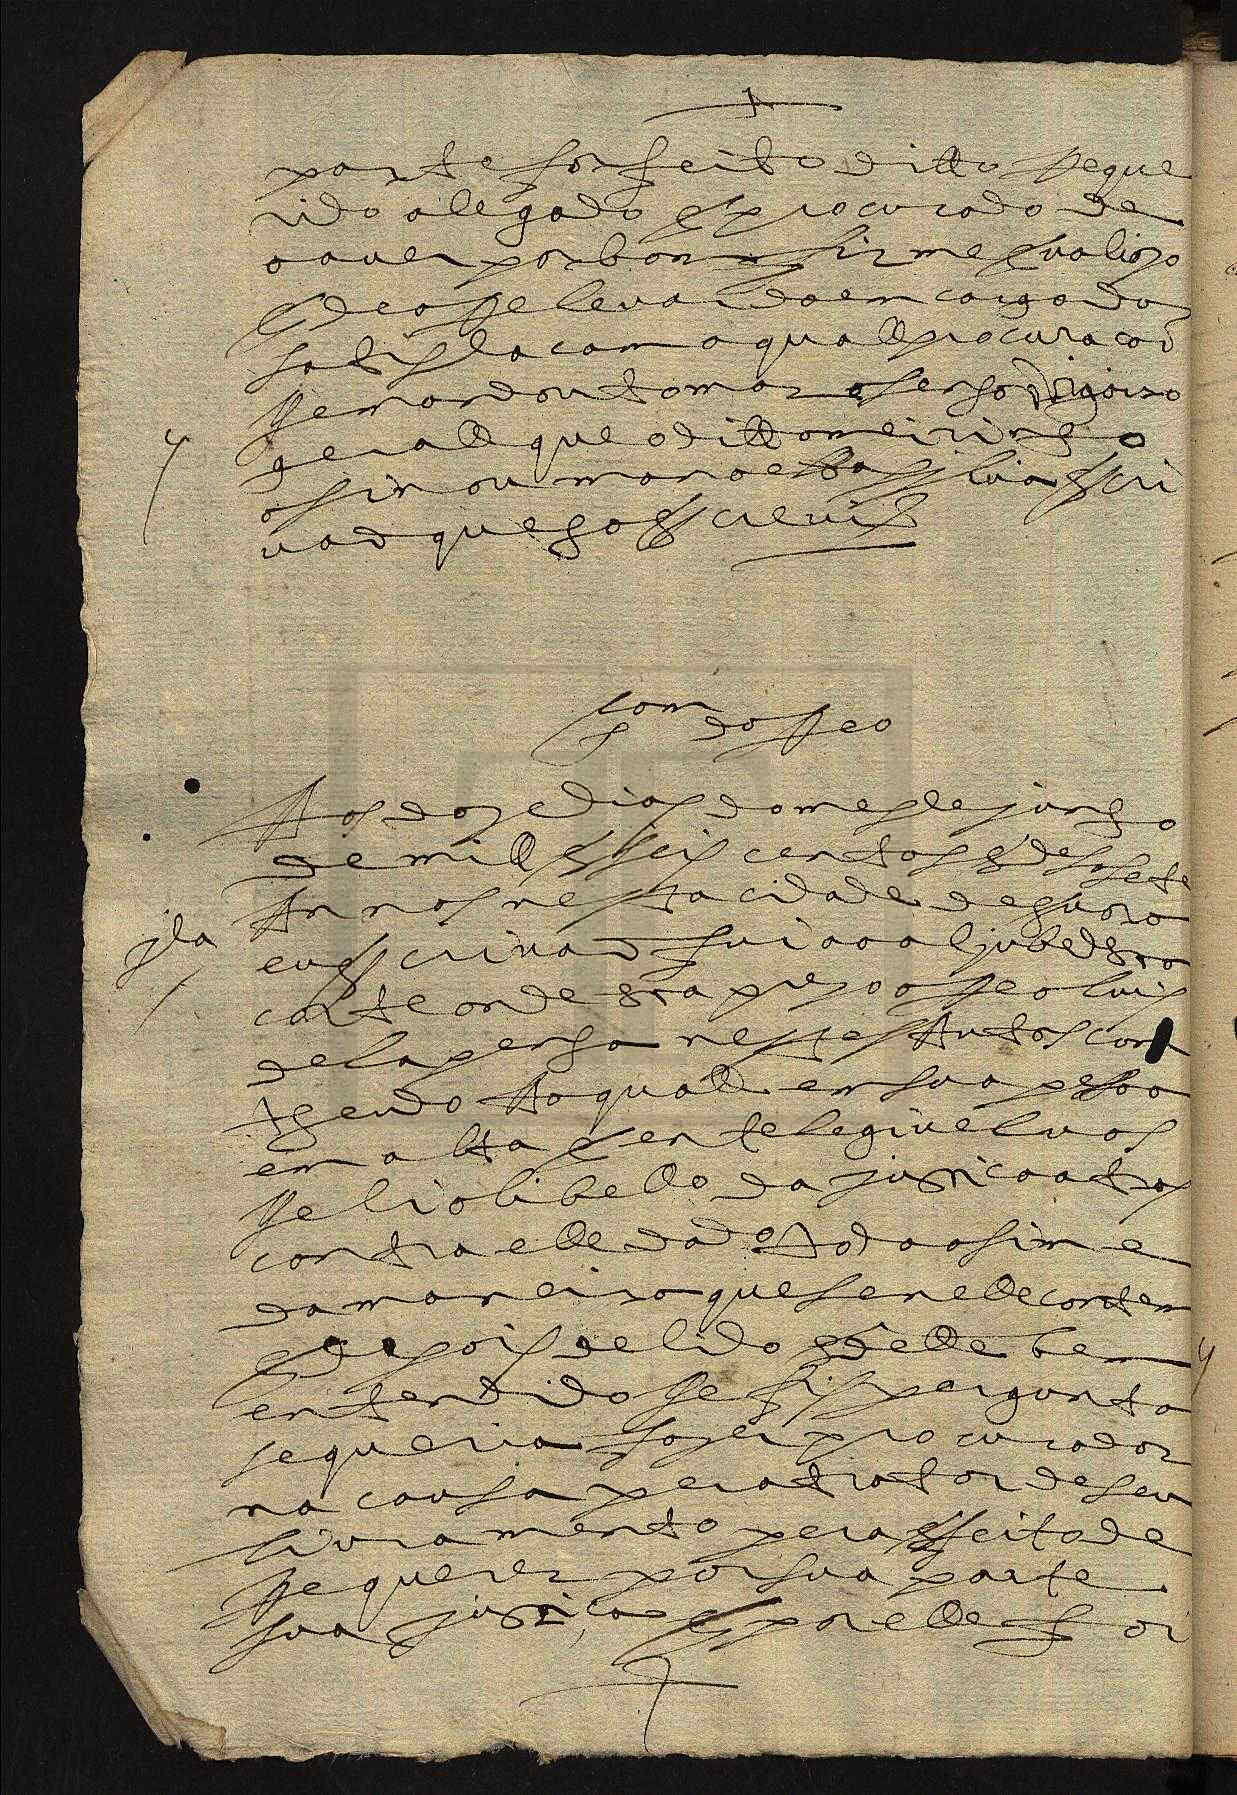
parte for feito ditto reque
rido alegado e procurado de
o auer por bom firme e valiozo
e de o relevar do emcargo da sa
tisfacam a qual procuracaõ
lhe mandou tomar o Senhor Vigairo
gerall que o ditto meirinho
asinou Manoell da Silva escri
uaõ que ho escrevi
p. cam do Reo
Aos doze dias do mes de junho
de mill e seiscentos e desasete
Annos nesta cidade de Evora
Jca
eu escrivaõ fui ao aljube desta
corte onde sta prezo o Reo luis
de la penha nestes Autos com
theudo Ao quall em sua pessoa
em alta e entelegivel vos
lhe li o libello da Justica atras
contra elle dado todo assim e
da maneira que se nelle contem
e depois de lido e delle bem
entendido lhe foi pergunta_
se queria fazer procurador
na causa pera tratar de seu
livramento pera effeito de
requerer por sua parte
sua Justiça e por elle foi
